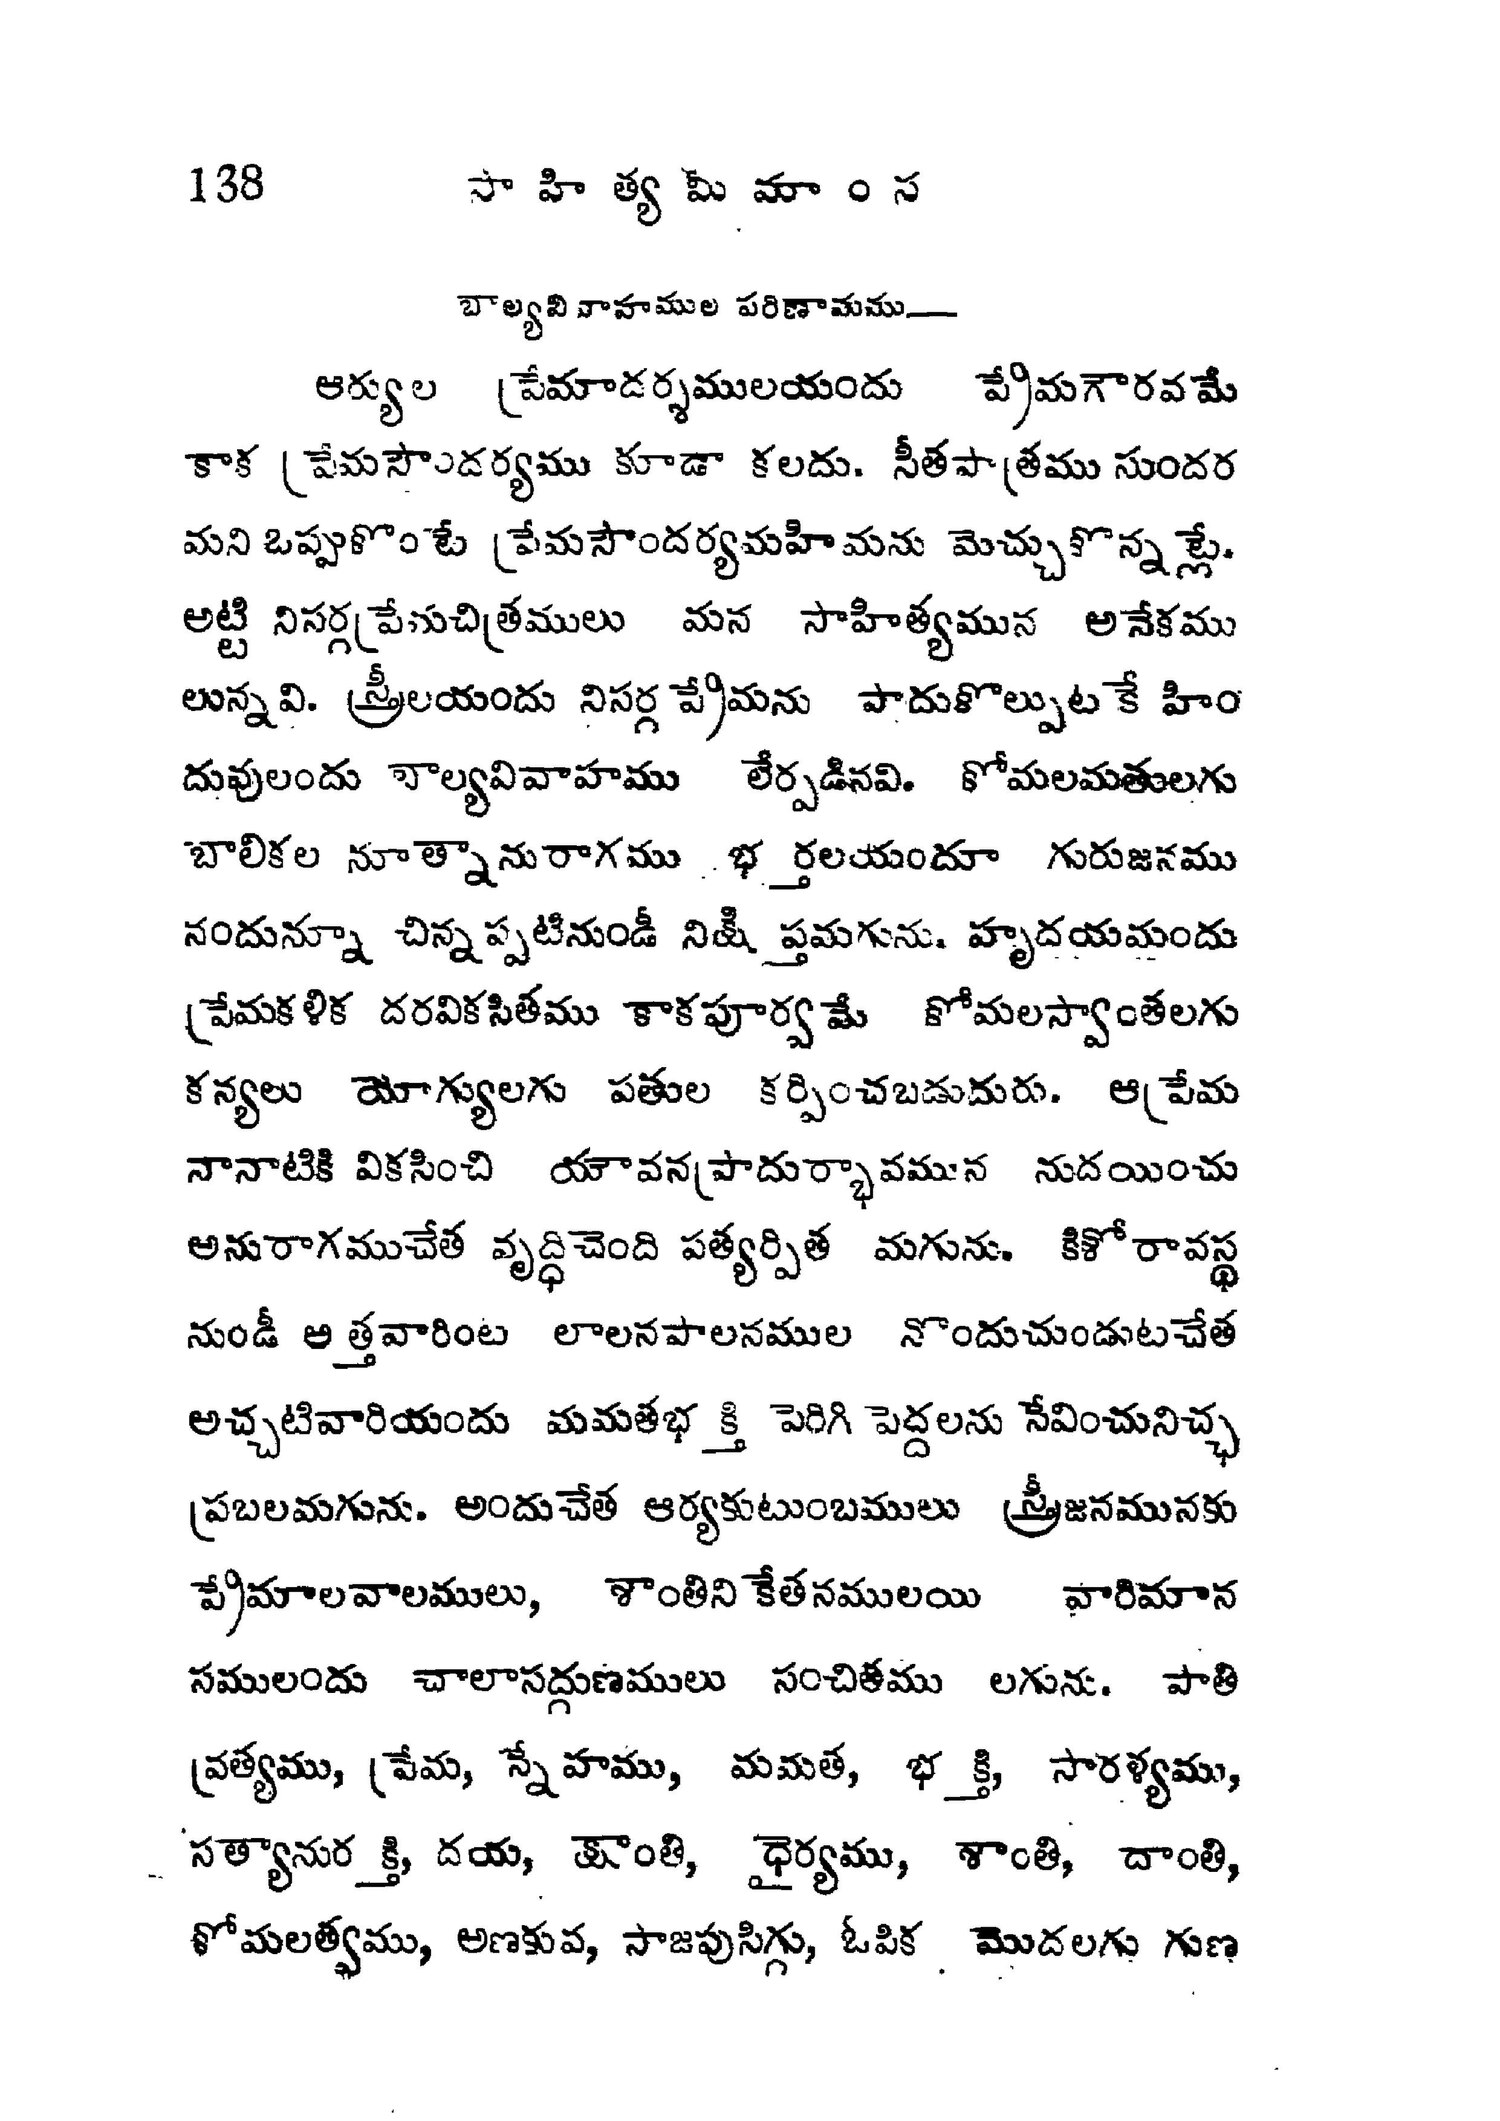ఆర్యుల ప్రేమాదర్శములయందు ప్రేమగౌరవమే కాక ప్రేమసౌందర్యము కూడా కలదు. సీతాపాత్రము సుందరమని ఒప్పుకొంటే ప్రేమసౌందర్యమహిమను మెచ్చుకొన్నట్లే. అట్టి నిసర్గప్రేమచిత్రములు మన సాహిత్యమున అనేకము లున్నవి. స్త్రీలయందు నిసర్గ ప్రేమను పాదుకొల్పుటకే హిందువులందు బాల్యవివాహము లేర్పడినవి. కోమలమతులగు బాలికల నూత్నానురాగము భర్తలయందూ గురుజనము నందున్నూ చిన్నప్పటినుండీ నిక్షిప్తమగును. హృదయమందు ప్రేమకళిక దరవికసితము కాకపూర్వమే కోమలస్వాంతలగు కన్యలు యోగ్యులగు పతుల కర్పించబడుదురు. ఆప్రేమ నానాటికి వికసించి యౌవనప్రాదుర్భావమున నుదయించు అనురాగముచేత వృద్ధిచెంది పత్యర్పిత మగును. కిశోరావస్థ నుండీ అత్తవారింట లాలనపాలనముల నొందుచుండుటచేత అచ్చటివారియందు మమతభక్తి పెరిగి పెద్దలను సేవించునిచ్ఛ ప్రబలమగును. అందుచేత ఆర్యకుటుంబములు స్త్రీజనమునకు ప్రేమాలవాలములు, శాంతినికేతనములయి వారిమానసములందు చాలాసద్గుణములు సంచితము లగును. పాతివ్రత్యము, ప్రేమ, స్నేహము, మమత, భక్తి, సారళ్యము, సత్యానురక్తి, దయ, క్షాంతి, ధైర్యము, శాంతి, దాంతి, కోమలత్వము, అణకువ, సాజపుసిగ్గు, ఓపిక మొదలగు గుణ